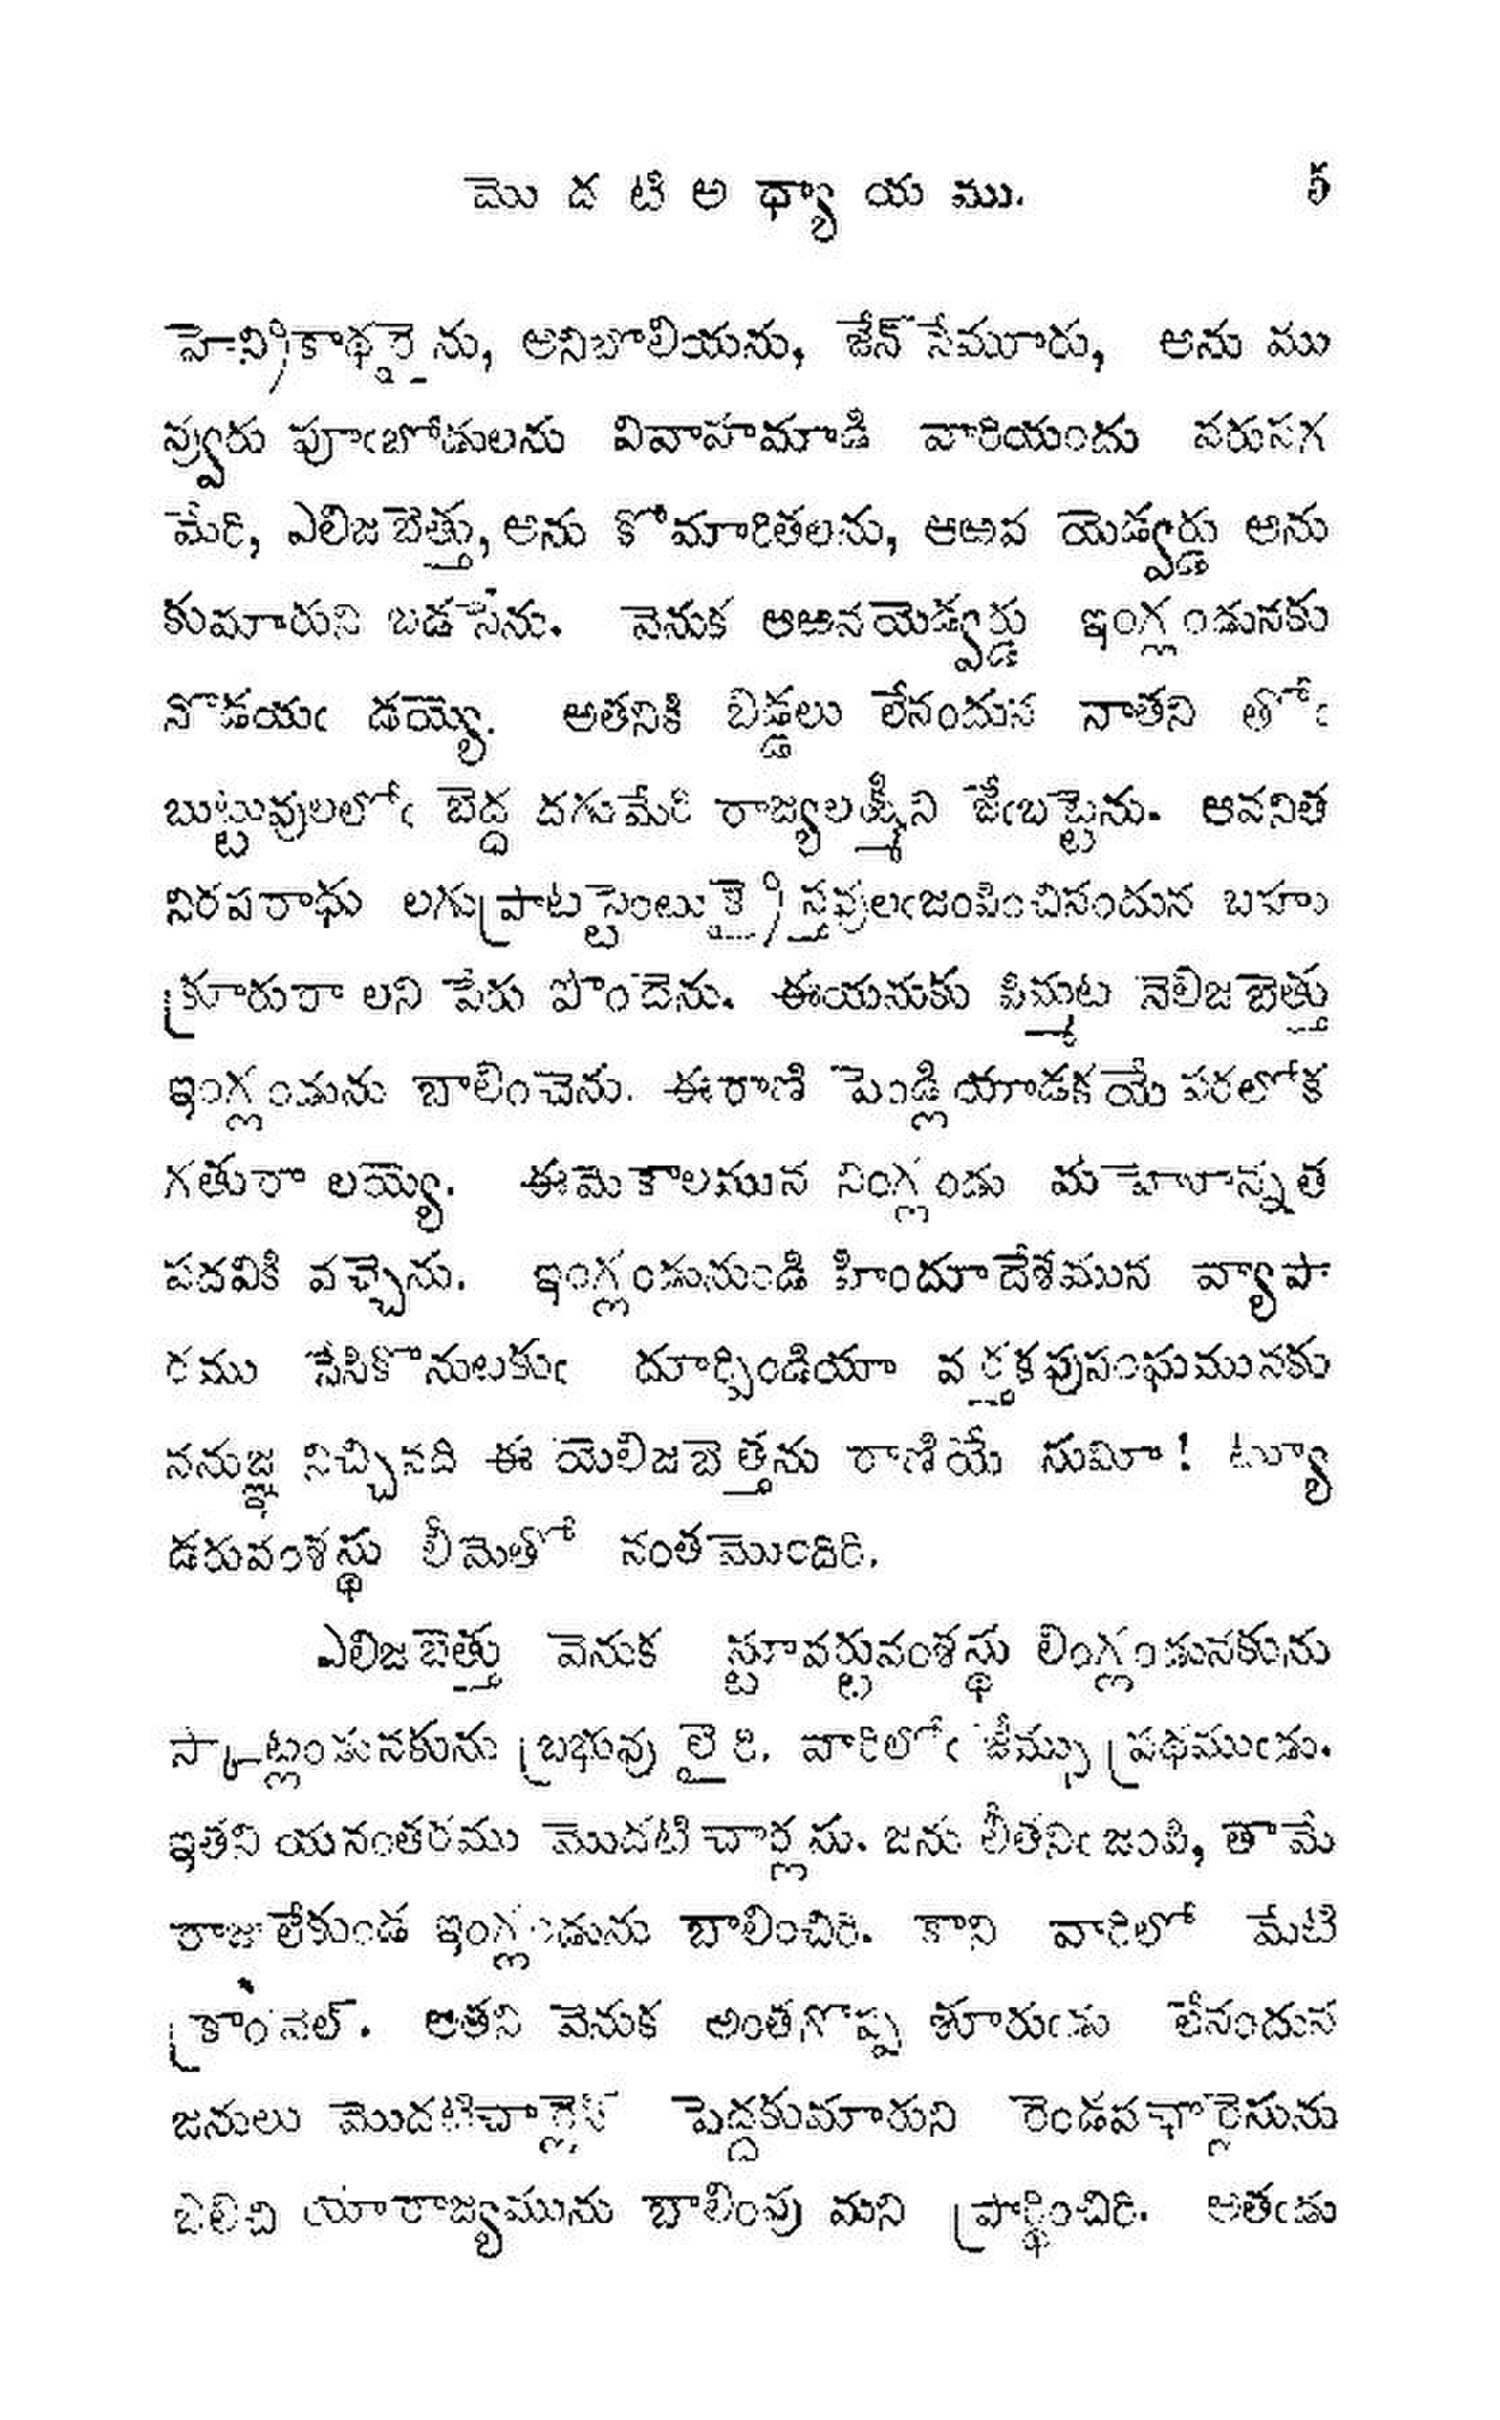హెన్రి కాథరైను, అనిబొలియను, జేన్ సేమూరు, అను మువ్వురు పూఁబోడులను వివాహమాడి వారియందు వరుసగ మేరి, ఎలిజబెత్తు, అను కొమారితలను, ఆఱవ యెడ్వర్డు అను కుమారుని బడసెను. వెనుక ఆఱవయెడ్వర్డు ఇంగ్లండునకు నొడయఁ డయ్యె. అతనికి బిడ్డలు లేనందున నాతని తోఁబుట్టువులలో, బెద్ద దగుమేరీ రాజ్యలక్ష్మిని జేఁబట్టెను. ఆవనిత నిరపరాధు లగుప్రాటస్టెంటు క్రైస్తవులఁజంపించినందున బహు క్రూరురా లని పేరు పొందెను. ఈయమకు పిమ్మట నెలిజబెత్తు ఇంగ్లండును బాలించెను. ఈరాణి పెండ్లియాడకయే పరలోక గతురా లయ్యె. ఈమెకాలమున నింగ్లండు మహోన్నత పదవికి వచ్చెను. ఇంగ్లండునుండి హిందూదేశమున వ్యాపారము సేసికొనుటకుఁ దూర్పిండియా వర్తకపుసంఘమునకు ననుజ్ఞ నిచ్చినది ఈ యెలిజబెత్తను రాణియే సుమీ ! ట్యూడరువంశస్థు లీమెతో నంతమొందిరి.

ఎలిజబెత్తు వెనుక స్టూవర్టువంశస్థు లింగ్లండునకును స్కాట్లండునకును బ్రభువు లైరి. వారిలోఁ జేమ్సు ప్రథముఁడు. ఇతని యనంతరము మొదటి చార్లసు. జను లీతనిఁజంపి, తామే రాజులేకుండ ఇంగ్లండును బాలించిరి. కాని వారిలో మేటి క్రాంవెల్. అతని వెనుక అంతగొప్ప శూరుఁడు లేనందున
జనులు మొదటిచార్లెస్ పెద్దకుమారుని రెండవఛార్లెసును బిలిచి యారాజ్యమును బాలింపు మని ప్రార్థించిరి. అతఁడు